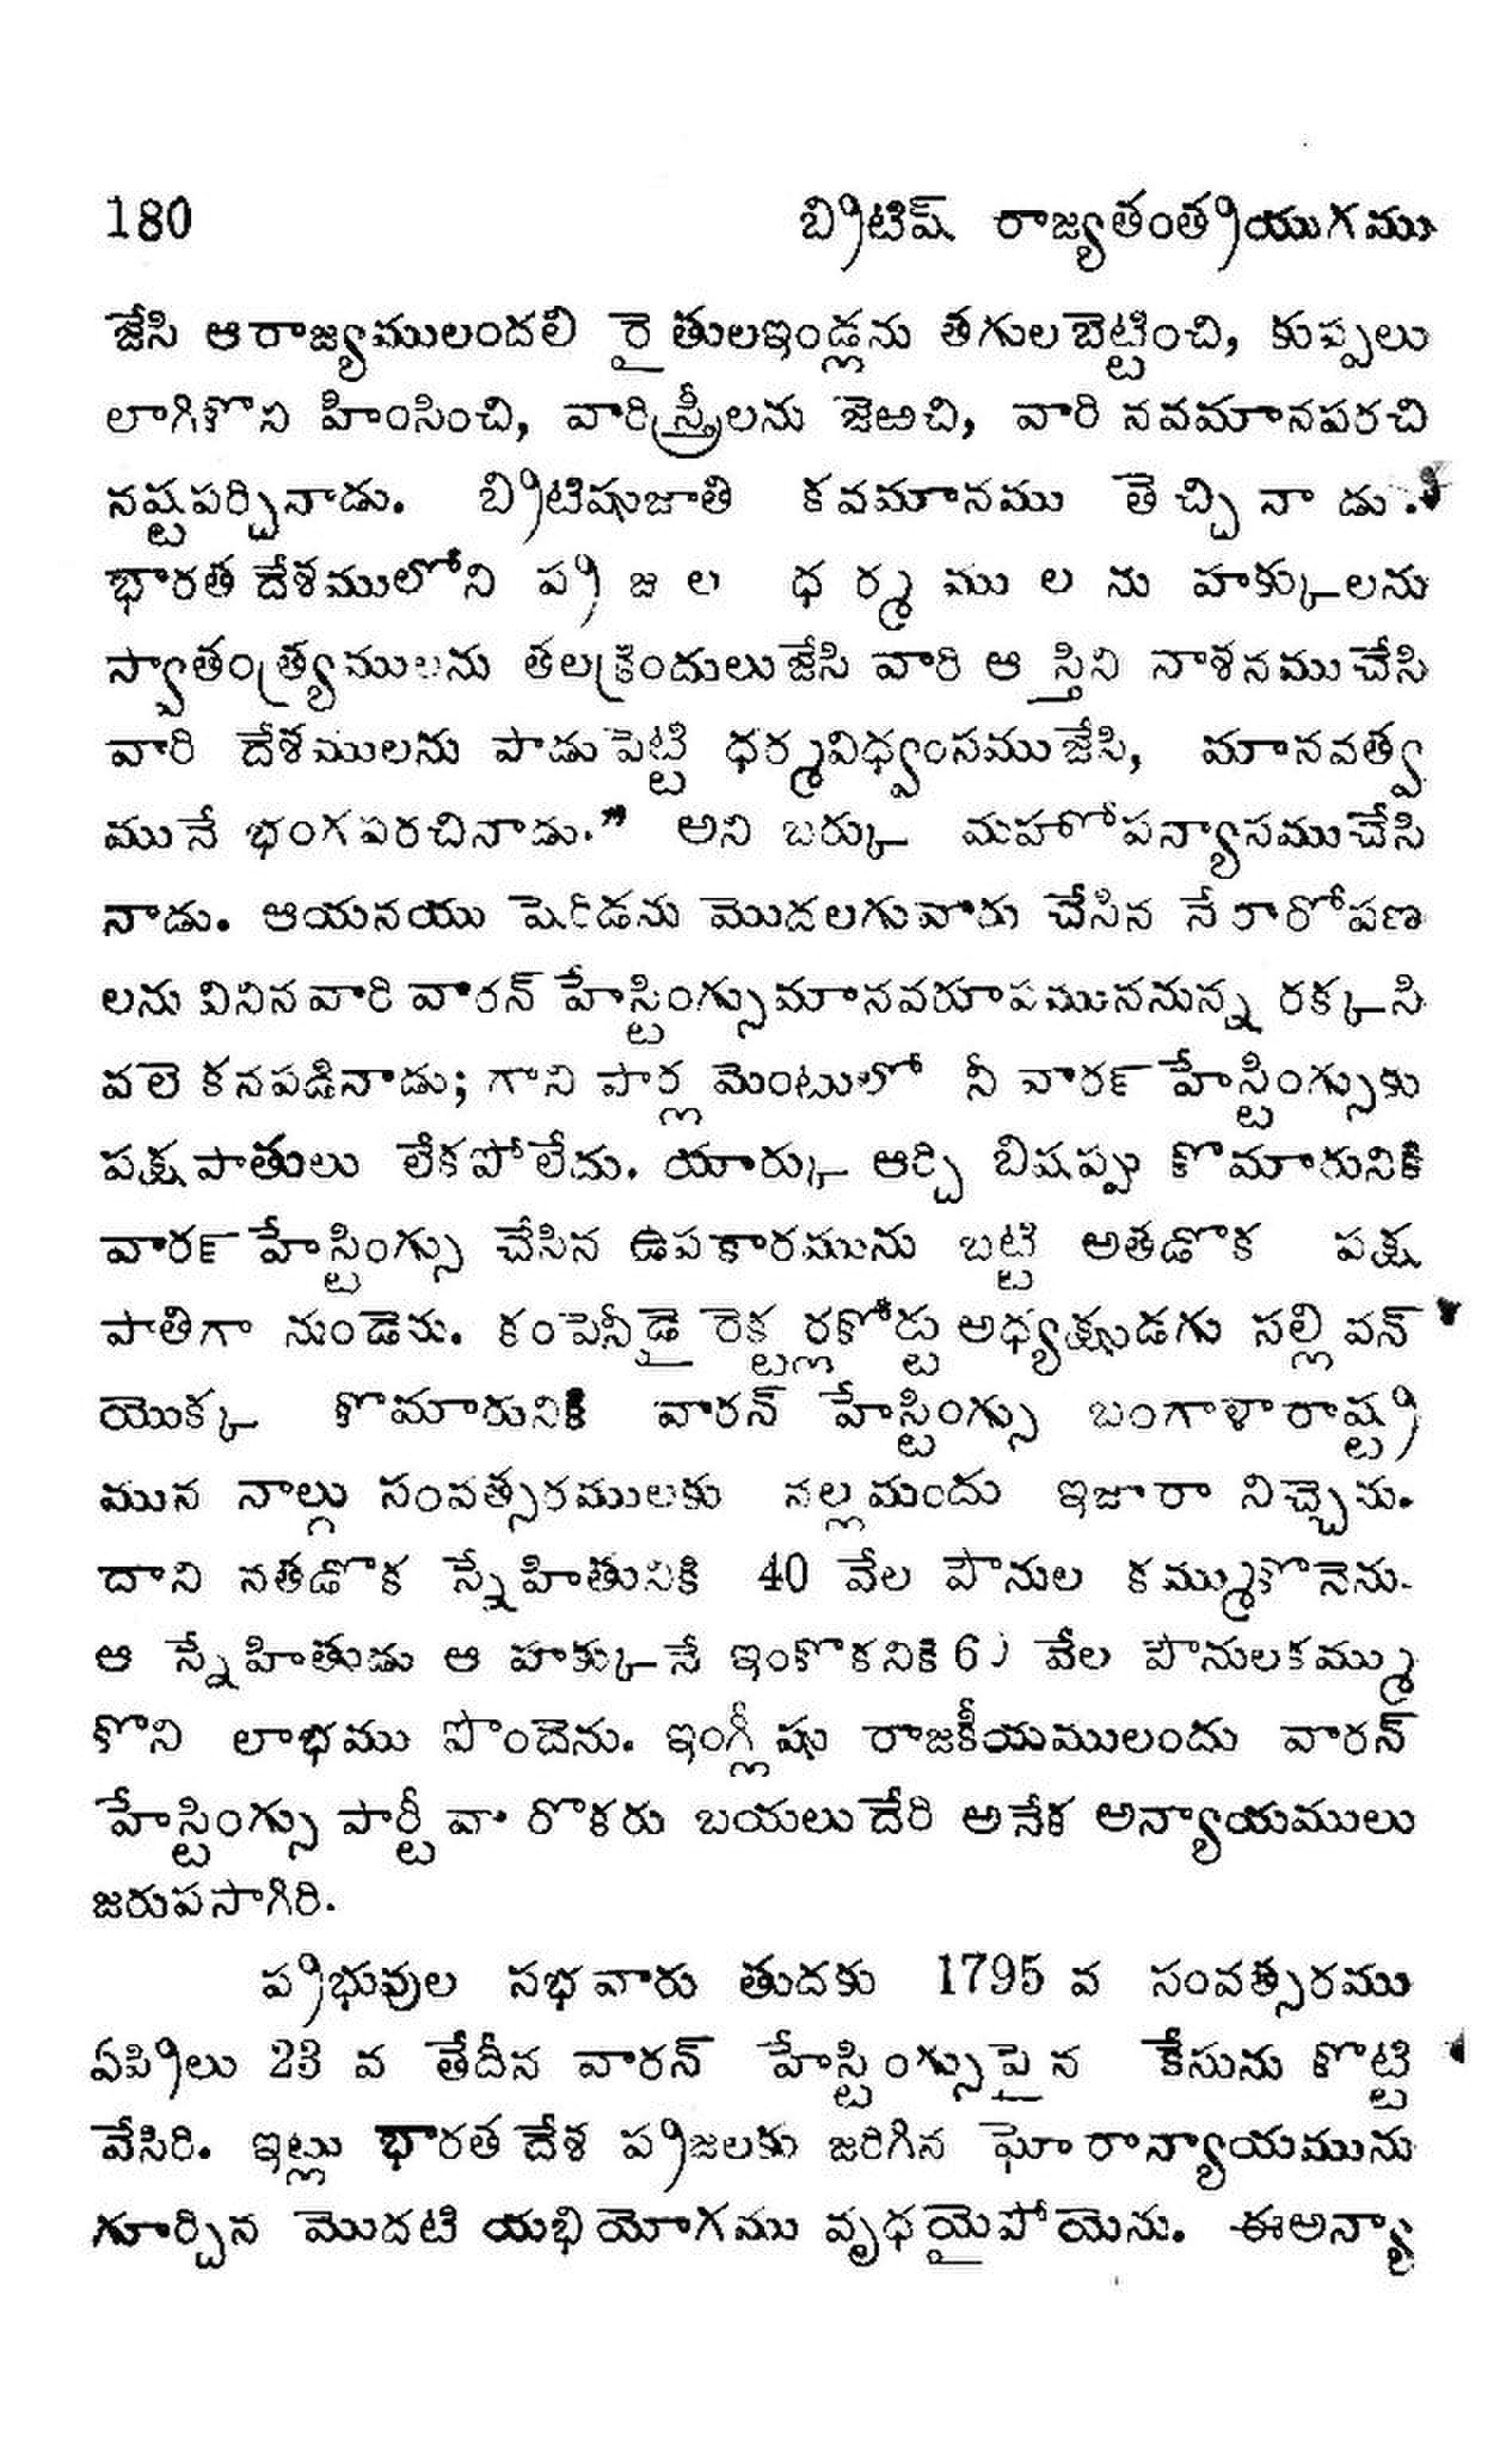జేసి ఆరాజ్యములందలి రైతులఇండ్లను తగులబెట్టించి, కుప్పలు లాగికొని హింసించి, వారిస్త్రీలను జెఱచి, వారి నవమానపరచి నష్టపర్చినాడు. బ్రిటిషుజాతి కవమానము తెచ్చినాడు. భారతదేశములోని ప్రజల ధర్మములను హక్కులను స్వాతంత్ర్యములను తలక్రిందులుజేసి వారి ఆస్తిని నాశనముచేసి వారి దేశములను పాడుపెట్టి ధర్మవిధ్వంసముజేసి, మానవత్వమునే భంగపరచినాడు." అని బర్కు మహోపన్యాసముచేసినాడు. ఆయనయు షెరిడను మొదలగువారు చేసిన నేరారోపణలను వినినవారి వారన్ హేస్టింగ్సుమానవరూపముననున్న రక్కసివలె కనపడినాడు; గాని పార్లమెంటులో నీ వార౯ హేస్టింగ్సుకు పక్షపాతులు లేకపోలేదు. యార్కు ఆర్చి బిషప్పు కొమారునికి వార౯ హేస్టింగ్సు చేసిన ఉపకారమును బట్టి అతడొక పక్షపాతిగా నుండెను. కంపెనీ డైరెక్టర్లకోర్టు అధ్యక్షుడగు సల్లివన్
యొక్క కొమారునికి వారన్ హేస్టింగ్సు బంగాళారాష్ట్రమున నాల్గు సంవత్సరములకు నల్లమందు ఇజూరా నిచ్చెను. దాని నతడొక స్నేహితునికి 40 వేల పౌనుల కమ్ముకొనెను. ఆ స్నేహితుడు ఆ హక్కునే ఇంకొకనికి 60 వేల పౌనులకమ్ముకొని లాభము పొందెను. ఇంగ్లీషు రాజకీయములందు వారన్ హేస్టింగ్సు పార్టీ వా రొకరు బయలుదేరి అనేక అన్యాయములు జరుపసాగిరి.

ప్రభువుల సభవారు తుదకు 1795 వ సంవత్సరము ఏప్రిలు 28 వ తేదీన వారన్ హేస్టింగ్సు పైన కేసును కొట్టివేసిరి. ఇట్లు భారతదేశ ప్రజలకు జరిగిన ఘోరాన్యాయమును గూర్చిన మొదటి యభియోగము వృధయైపోయెను. ఈ అన్యా